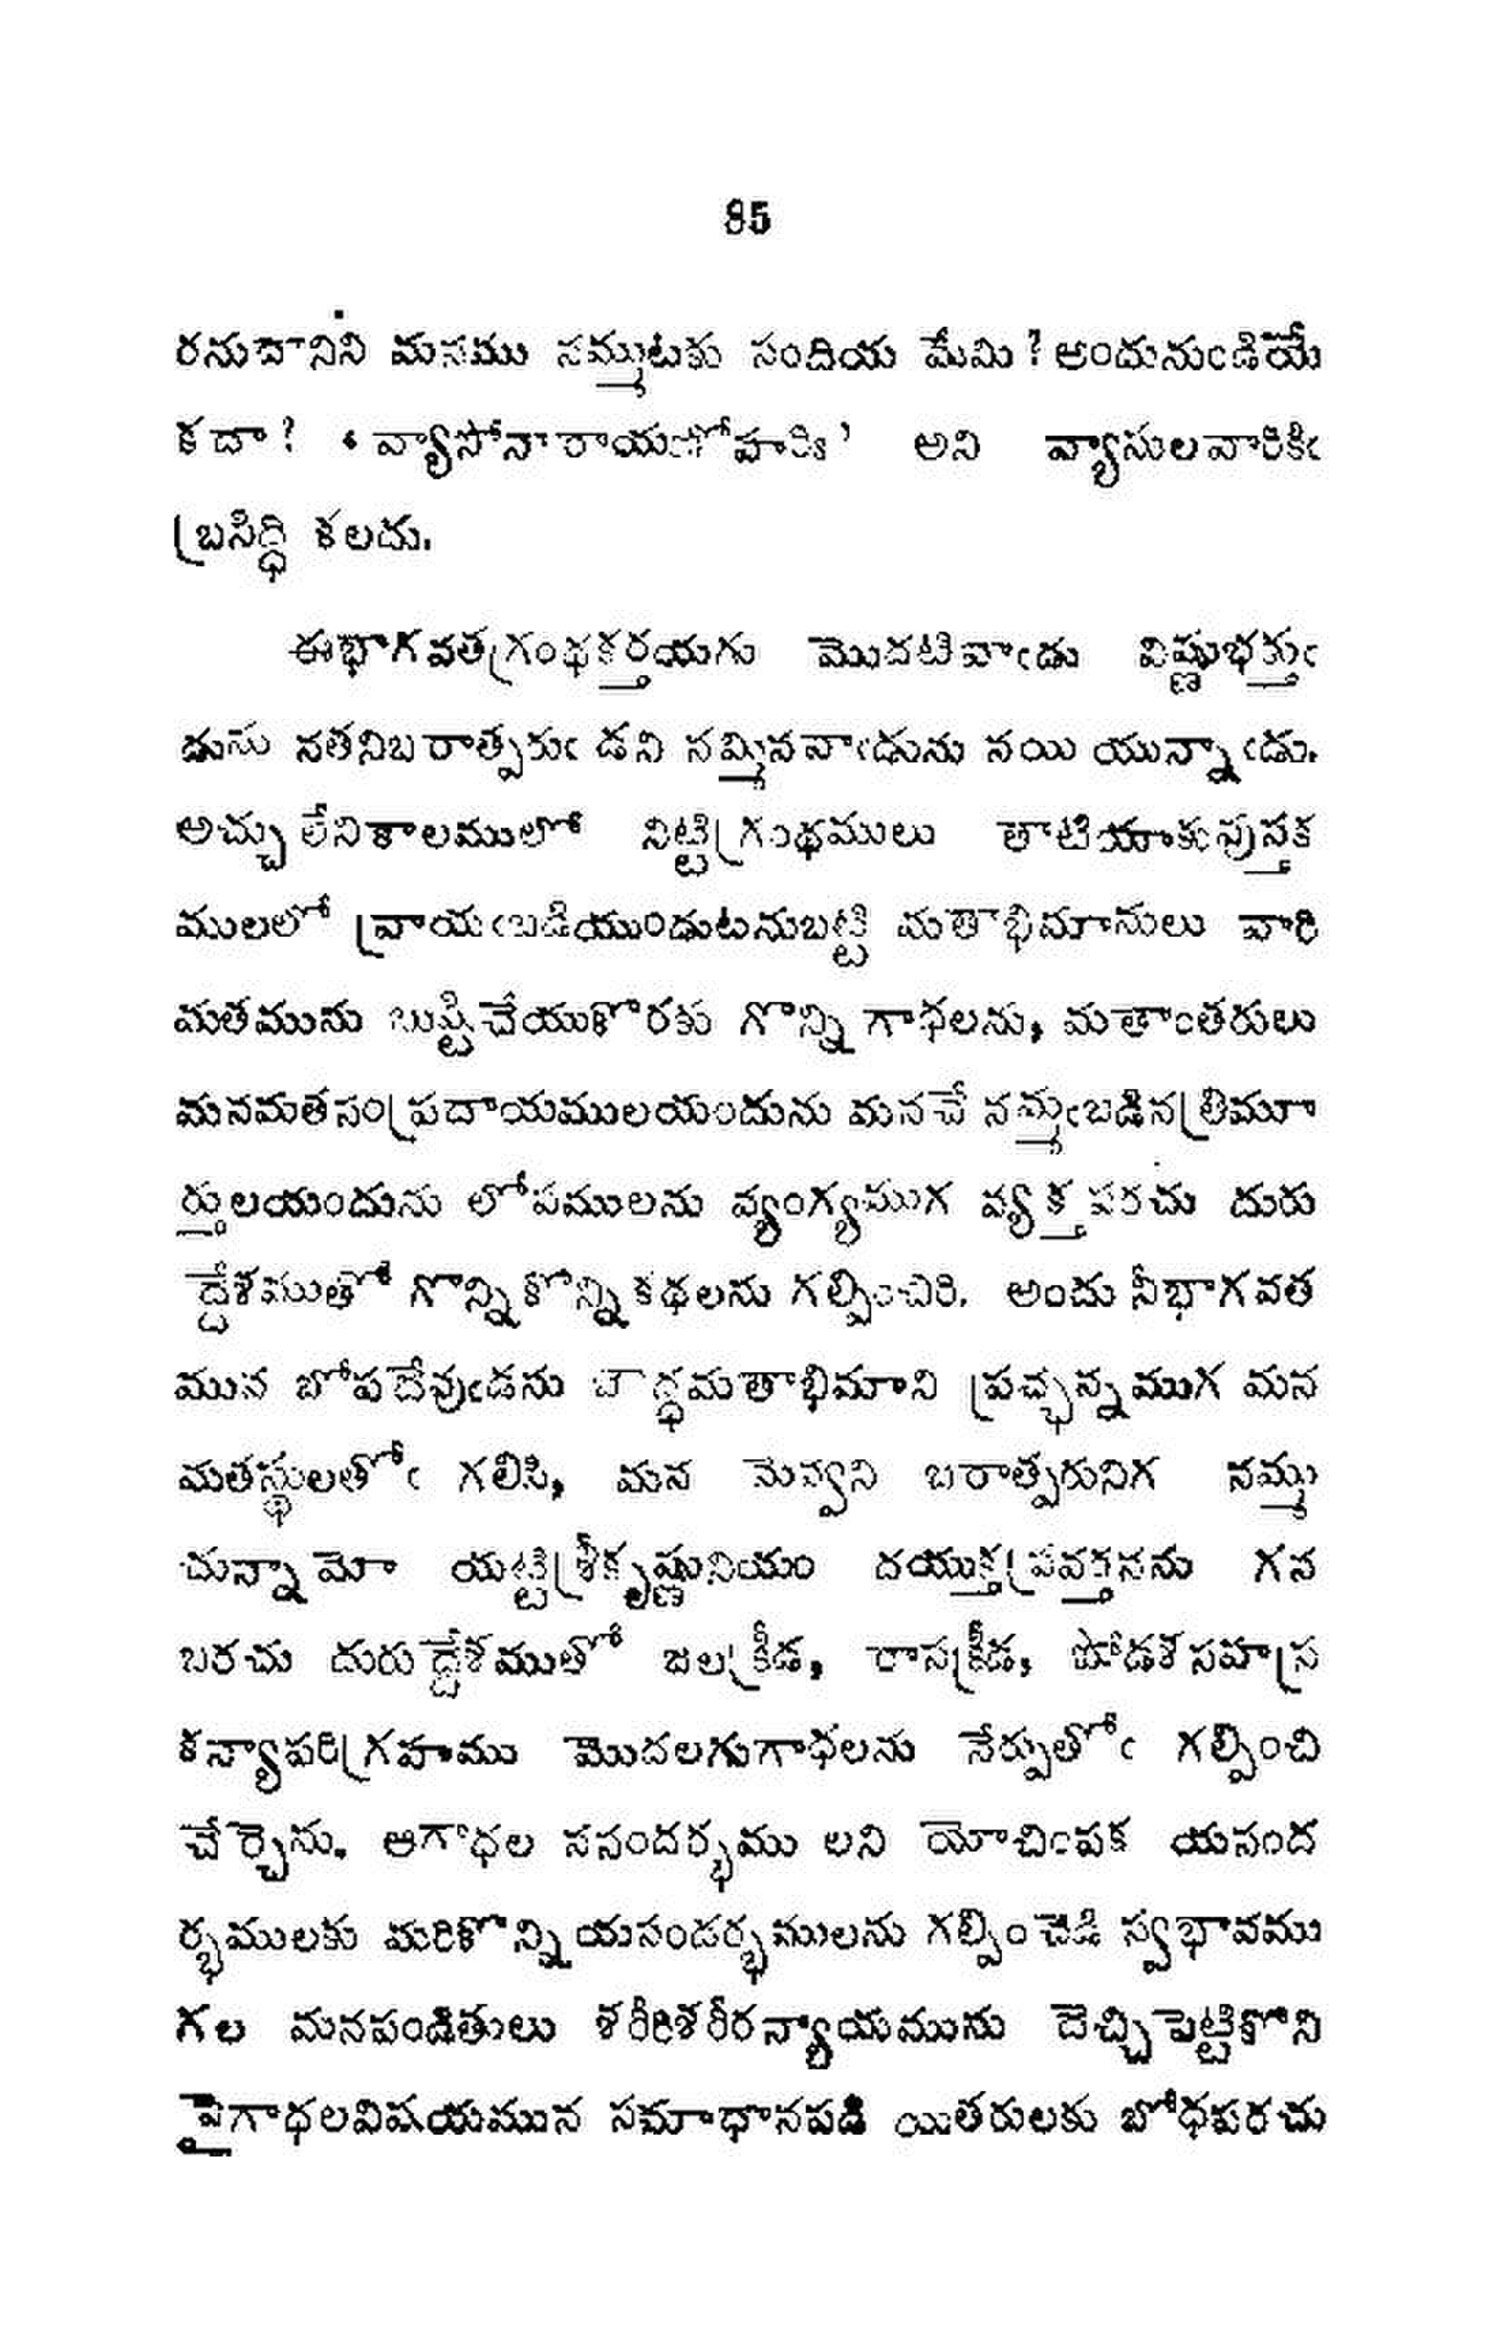రనుదానిని మనము నమ్ముటకు సందియ మేమి ? అందునుండియే కదా! 'వ్యాసోనారాయణోహరిః ' అని వ్యాసులవారికిఁ బ్రసిద్ధి కలదు.

ఈభాగవతగ్రంథకర్తయగు మొదటివాఁడు. విష్ణుభక్తుఁడును నతనిబరాత్పరుఁ డని నమ్మినవాఁడును నయి యున్నాఁడు. అచ్చులేనికాలములో నిట్టిగ్రంథములు తాటియాకుపుస్తకములలో వ్రాయఁబడియుండుటనుబట్టి మతాభిమానులు వారిమతమును బుష్టిచేయుకొరకు గొన్ని గాధలను, మతాంతరులు మనమతసంప్రదాయములయందును మనచే నమ్మఁబడినత్రిమూర్తులయందును లోపములను వ్యంగ్యముగ వ్యక్తపరచు దురుద్దేశముతో గొన్ని కొన్ని కథలను గల్పించిరి. అందు నీభాగవతమున బోపదేవుఁడను బౌద్ధమతాభిమాని ప్రచ్ఛన్నముగ మన మతస్థులతోఁ గలిసి, మన మెవ్వని బరాత్పరునిగ నమ్ముచున్నామో యట్టిశ్రీకృష్ణునియం దయుక్త ప్రవర్తనను గనబరచు దురుద్దేశముతో జలక్రీడ, రాసక్రీడ, పోడశ సహస్ర కన్యాపరిగ్రహము మొదలగుగాధలను నేర్పుతోఁ గల్పించి చేర్చెను. ఆగాధల ససందర్భము లని యోచింపక యసందర్భములకు మరికొన్ని యసందర్భములను గల్పించెడి స్వభావము గల మనపండితులు శరీరిశరీరన్యాయమును దెచ్చిపెట్టికొని పైగాధలవిషయమున సమాధానపడి యితరులకు బోధపరచు